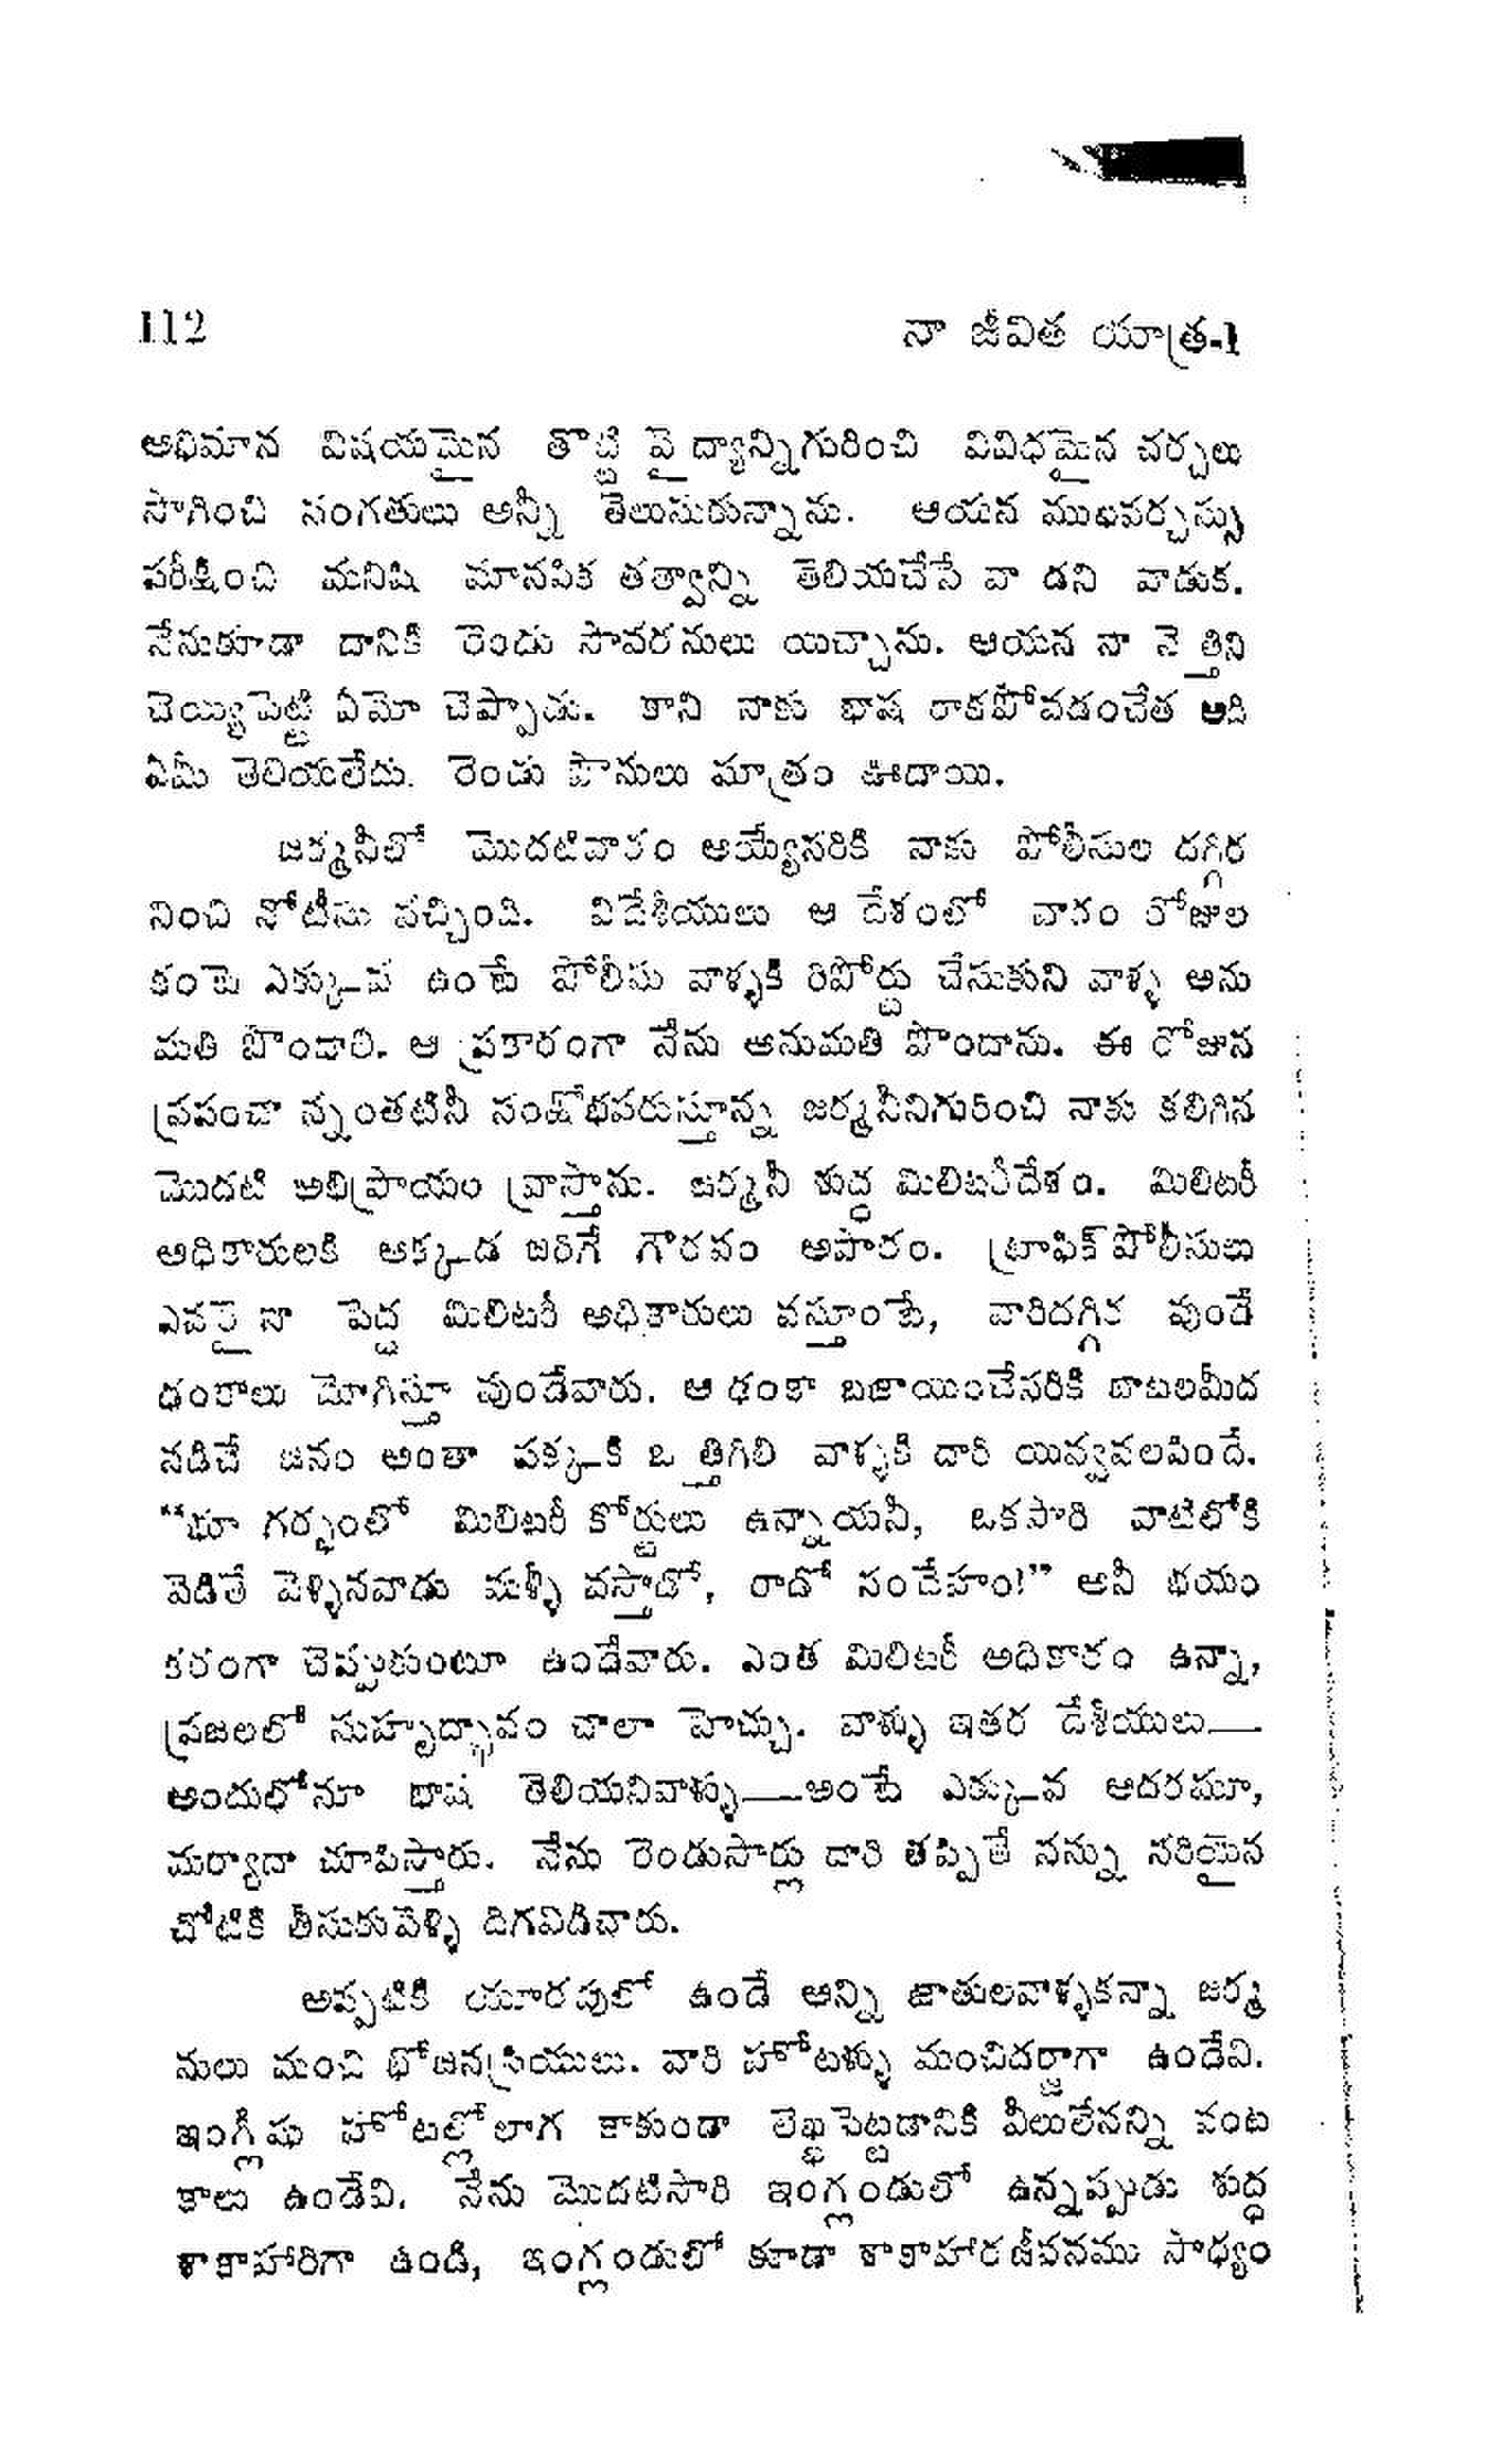అభిమాన విషయమైన తొట్టి వైద్యాన్నిగురించి వివిధమైన చర్చలు సాగించి సంగతులు అన్నీ తెలుసుకున్నాను. ఆయన ముఖవర్చస్సు పరీక్షించి మనిషి మానసిక తత్వాన్ని తెలియచేసే వా డని వాడుక. నేనుకూడా దానికి రెండు సావరనులు యిచ్చాను. ఆయన నా నెత్తిని చెయ్య్యిపెట్టి ఏమో చెప్పాడు. కాని నాకు భాష రాకపోవడంచేత అది ఏమీ తెలియలేదు. రెండు పౌనులు మాత్ర ఊడాయి.

జర్మనీలో మొదటివారం అయ్యేసరికి నాకు పోలీసుల దగ్గిరనించి నోటీసు వచ్చింది. విదేశీయులు ఆ దేశంలో వారం రోజుల కంటె ఎక్కువ ఉంటే పోలీసు వాళ్ళకి రిపోర్టు చేసుకుని వాళ్ళ అనుమతి పొందాలి. అ ప్రకారంగా నేను అనుమతి పొందాను. ఈ రోజున ప్రపంచా న్నంతటినీ సంక్షోభపరుస్తూన్న జర్మనీనిగురించి నాకు కలిగిన మొదటి అభిప్రాయం వ్రాస్తాను. జర్మనీ శుద్ధ మిలిటరీదేశం. మిలిటరీ అధికారులకి అక్కడ జరిగే గౌరవం అపారం. ట్రాఫిక్ పోలీసులు ఎవరైనా పెద్ద మిలిటరీ అధికారులు వస్తూంటే, వారిదగ్గిర వుండే డంకాలు మోగిస్తూ వుండేవారు. ఆ డంకా బజాయించేసరికి బాటలమీద నడిచే జనం అంతా పక్కకి ఒత్తిగిలి వాళ్ళకి దారి యివ్వవలసిందే. "భూ గర్భంలో మిలిటరీ కోర్టులు ఉన్నాయనీ, ఒకసారి వాటిలోకి వెడితే వెళ్ళినవాడు మళ్ళీ వస్తాడో, రాడో సందేహం!" అనీ భయంకరంగా చెప్పుకుంటూ ఉండేవారు. ఎంత మిలిటరీ అధికారం ఉన్నా, ప్రజలలో సుహృద్భావం చాలా హెచ్చు. వాళ్ళు ఇతర దేశీయులు - అందులోనూ భాష తెలియనివాళ్ళు - అంటే ఎక్కువ ఆదరమూ, మర్యాదా చూపిస్తారు. నేను రెండుసార్లు దారి తప్పితే నన్ను సరియైన చోటికి తీసుకువెళ్ళి దిగవిడిచారు.

అప్పటికి యూరపులో ఉండే అన్ని జాతులవాళ్ళకన్నా జర్మనులు మంచి భోజనప్రియులు. వారి హోటళ్ళు మంచిదర్జాగా ఉండేవి. ఇంగ్లీషు హోటల్లోలాగ కాకుండా లెఖ్ఖపెట్టడానికి వీలులేనన్ని వంటకాలు ఉండేవి. నేను మొదటిసారి ఇంగ్లండులో ఉన్నప్పుడు శుద్ధ శాకహారిగా ఉండి, ఇంగ్లండులో కూడా శాకాహారజీవనము సాధ్యం